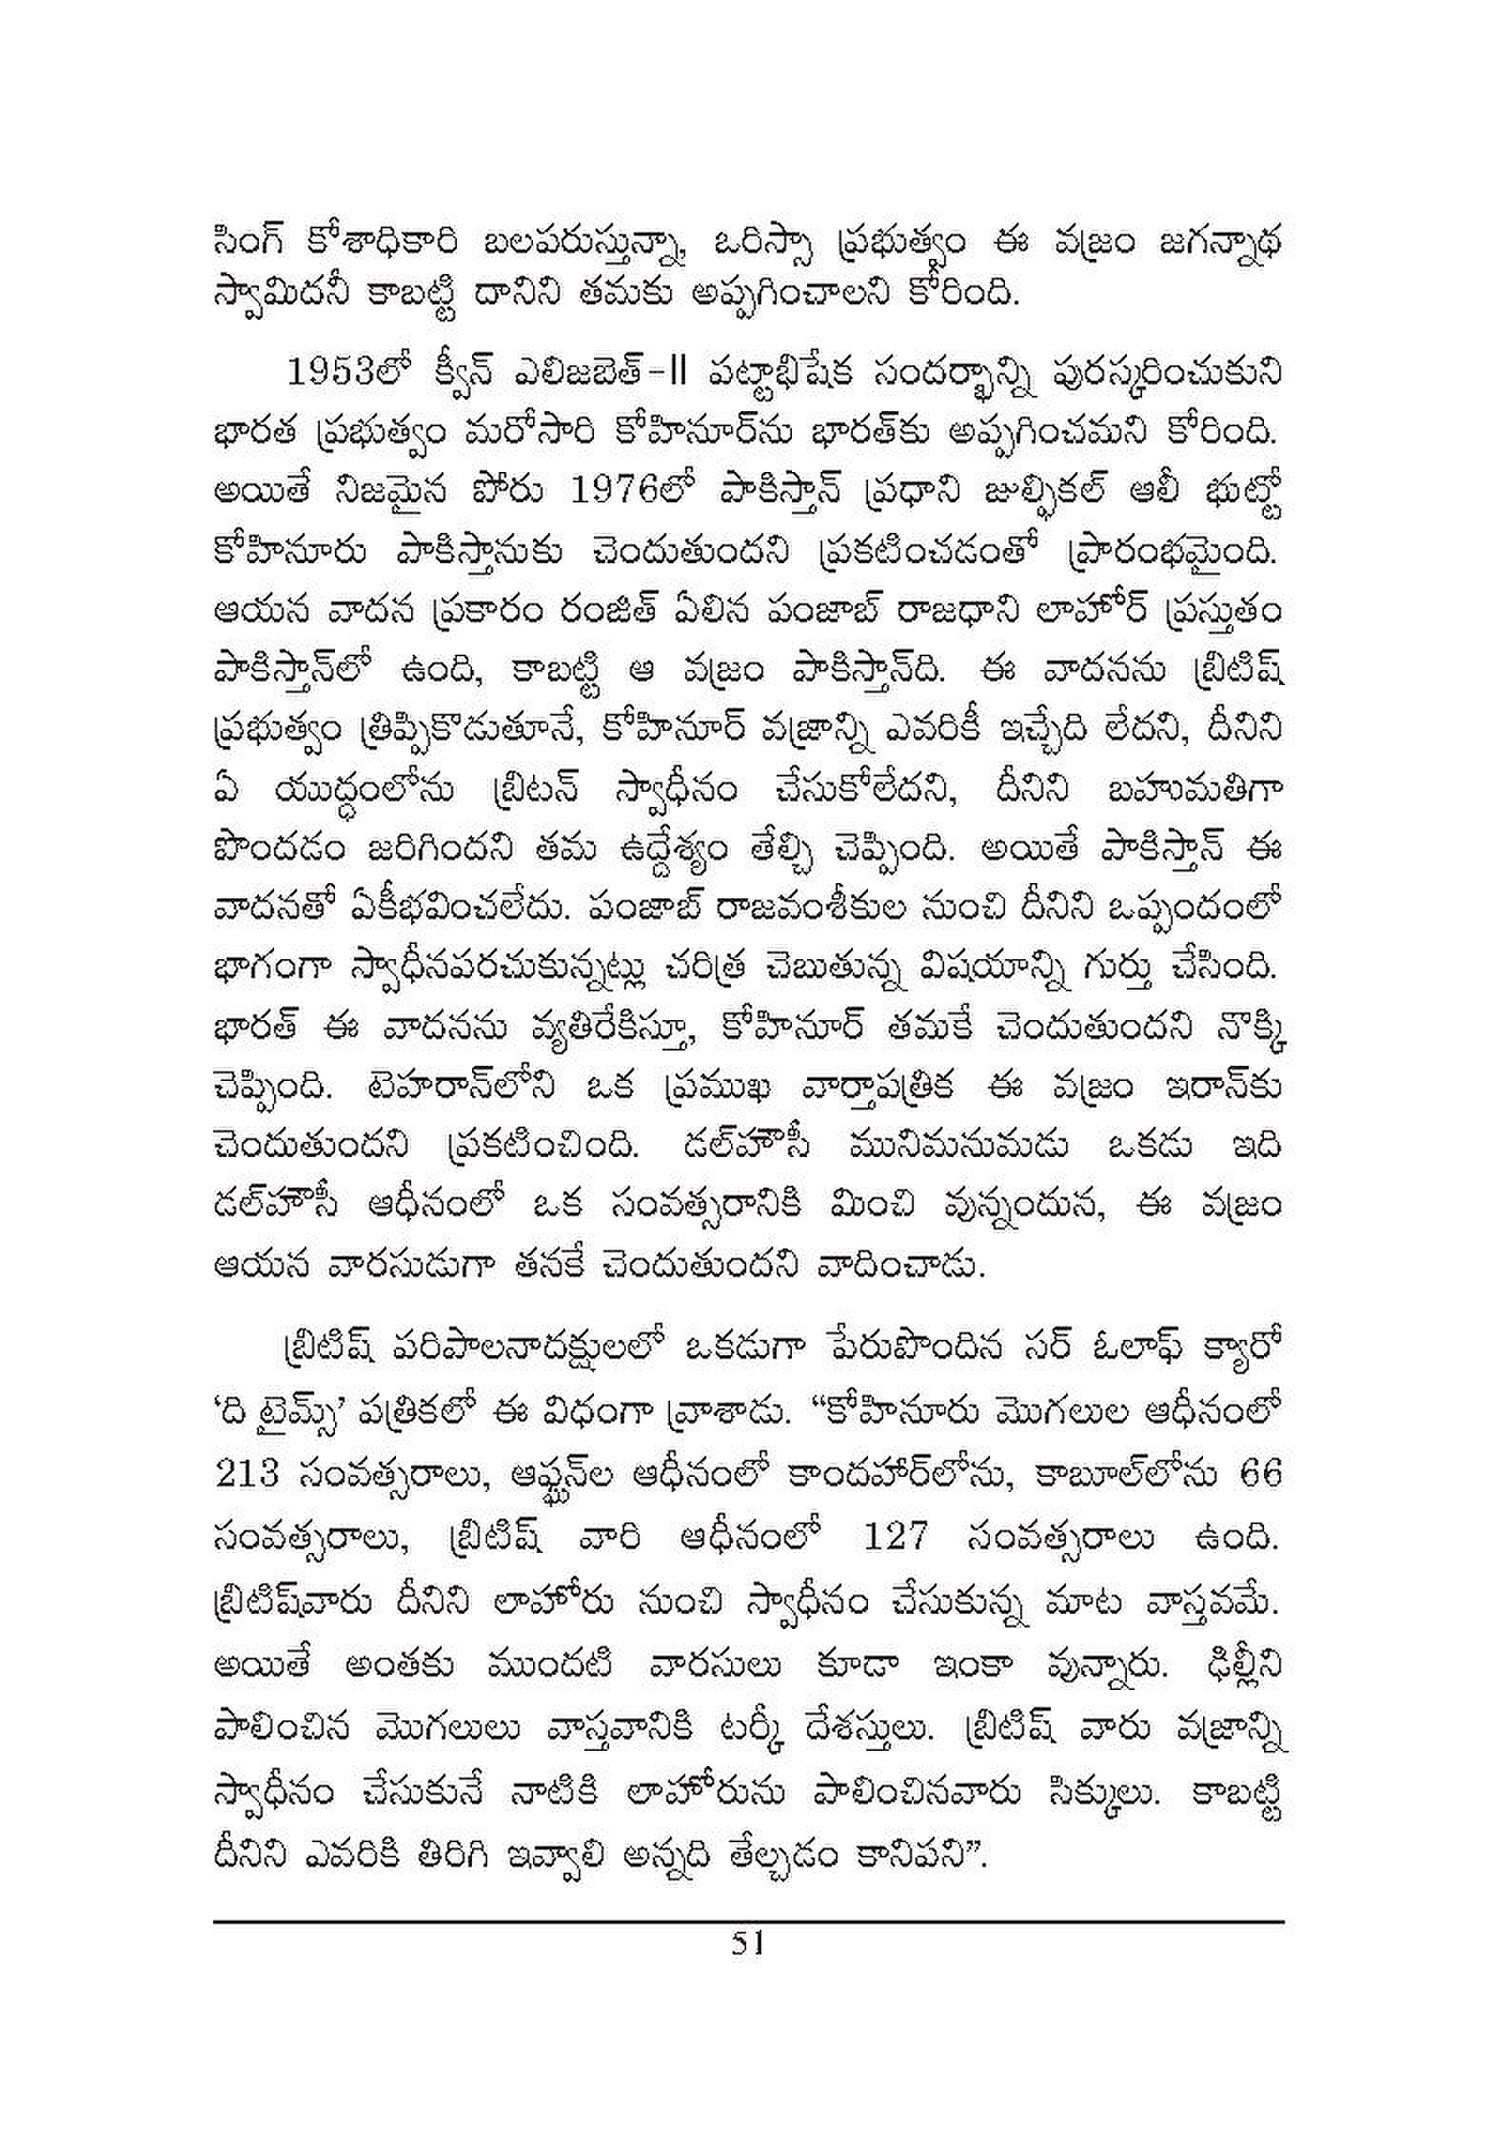సింగ్ కోశాధికారి బలపరుస్తున్నా ఒరిస్సా ప్రభుత్వం ఈ వజ్రం జగన్నాథ స్వామిదనీ కాబట్టి దానిని తమకు అప్పగించాలని కోరింది.

1953లో క్వీన్ ఎలిజబెత్-II పట్టాభిషేక సందర్భాన్ని పురస్కరించుకుని భారత ప్రభుత్వం మరోసారి కోహినూర్‌ను భారత్ కు అప్పగించమని కోరింది. అయితే నిజమైన పోరు 1976లో పాకిస్తాన్ ప్రధాని జుల్ఫికల్ ఆలీ భుట్టో కోహినూరు పాకిస్తానుకు చెందుతుందని ప్రకటించడంతో ప్రారంభమైంది. ఆయన వాదన ప్రకారం రంజిత్ ఏలిన పంజాబ్ రాజధాని లాహోర్ ప్రస్తుతం పాకిస్తాన్లో ఉంది, కాబట్టి ఆ వజ్రం పాకిస్తాన్ది. ఈ వాదనను బ్రిటిష్ ప్రభుత్వం త్రిప్పికొడుతూనే, కోహినూర్ వజ్రాన్ని ఎవరికీ ఇచ్చేది లేదని, దీనిని ఏ యుద్ధంలోను బ్రిటన్ స్వాధీనం చేసుకోలేదని, దీనిని బహుమతిగా పొందడం జరిగిందని తమ ఉద్దేశ్యం తేల్చి చెప్పింది. అయితే పాకిస్తాన్ ఈ వాదనతో ఏకీభవించలేదు. పంజాబ్ రాజవంశీకుల నుంచి దీనిని ఒప్పందంలో భాగంగా స్వాధీనపరచుకున్నట్లు చరిత్ర చెబుతున్న విషయాన్ని గురు చేసింది. భారత్ ఈ వాదనను వ్యతిరేకిస్తూ, కోహినూర్ తమకే చెందుతుందని నొక్కి చెప్పింది. టెహరాన్లోని ఒక ప్రముఖ వార్తాపత్రిక ఈ వజ్రం ఇరాన్కు చెందుతుందని ప్రకటించింది. డల్హౌసీ మునిమనుమడు ఒకడు ఇది డల్హౌసీ ఆధీనంలో ఒక సంవత్సరానికి మించి వున్నందున, ఈ వజ్రం ఆయన వారసుడుగా తనకే చెందుతుందని వాదించాడు.

బ్రిటిష్ పరిపాలనా దక్షులలో ఒకడుగా పేరుపొందిన సర్ ఓలాఫ్ క్యారో 'ది టైమ్స్' పత్రికలో ఈ విధంగా వ్రాశాడు. "కోహినూరు మొగలుల ఆధీనంలో 213 సంవత్సరాలు, ఆఫ్ఘన్ల ఆధీనంలో కాందహార్లోను, కాబూల్లోను 66 సంవత్సరాలు, బ్రిటిష్ వారి ఆధీనంలో” 127 సంవత్సరాలు ఉంది. బ్రిటిష్వారు దీనిని లాహోరు నుంచి స్వాధీనం చేసుకున్న మాట వాస్తవమే. అయితే అంతకు ముందటి వారసులు కూడా ఇంకా వున్నారు. ఢిల్లీని పాలించిన మొగలులు వాస్తవానికి టర్కీ దేశస్తులు. బ్రిటిష్ వారు వజ్రాన్ని స్వాధీనం చేసుకునే నాటికి లాహోరును పాలించినవారు సిక్కులు. కాబట్టి దీనిని ఎవరికి తిరిగి ఇవ్వాలి అన్నది తేల్చడం కానిపని"